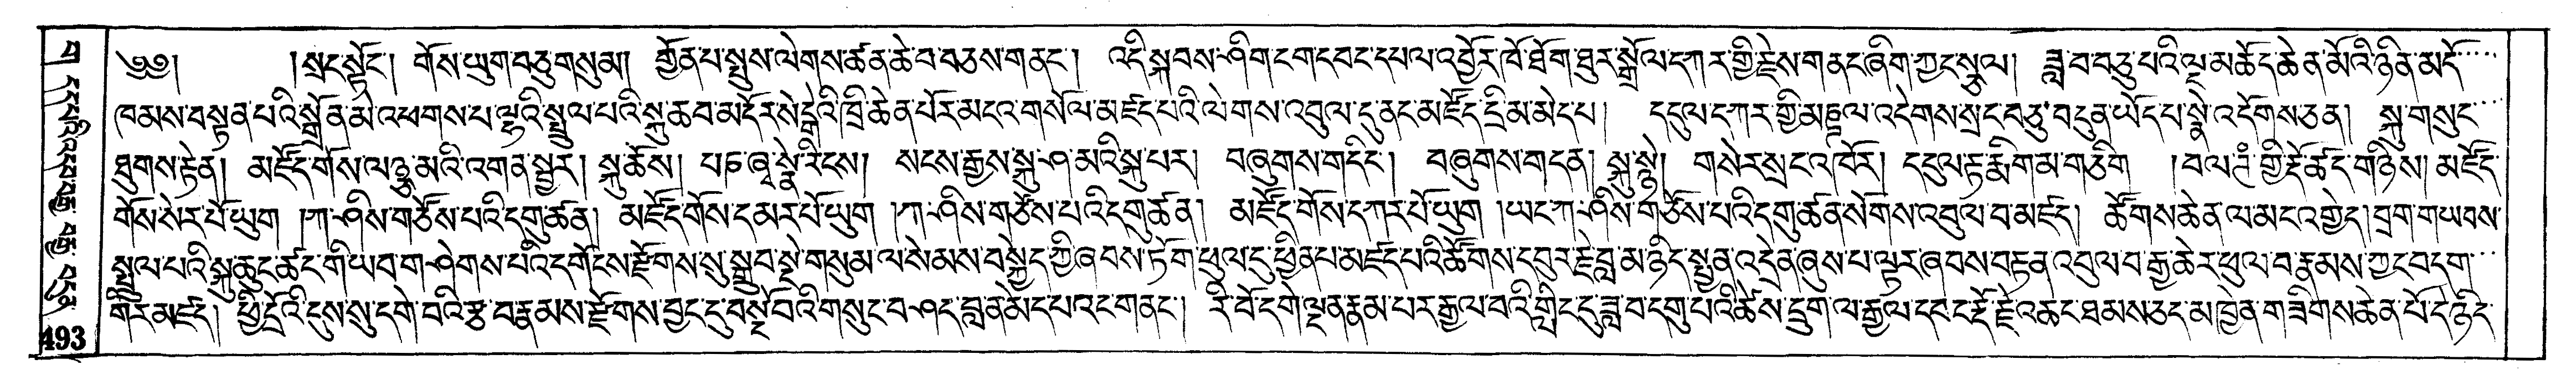༄༅། །སྲང་སྟོང་། གོས་ཡུག་བཅུ་གསུམ། གྱོན་པ་སྤུས་ལེགས་ཚན་ཆེ་བ་བཅས་གནང་། འདི་སྐབས་ཤིག་ངག་དབང་དཔལ་འབྱོར་ཁོ་ཐོག་ཐུར་སྒྲོལ་དཀར་གྱི་རྗེས་གནང་ཞིག་ཀྱང་སྩལ། ཟླ་བ་བཅུ་པའི་ལྔ་མཆོད་ཆེན་མོའི་ཉིན་མདོ་
ཁམས་བསྟན་པའི་སྒྲོན་མེ་འཕགས་པ་ལྷའི་སྤྲུལ་པའི་སྐུ་ཆབ་མདོར་སེངྒེའི་ཁྲི་ཆེན་པོར་མངའ་གསོལ་མཛད་པའི་ལེགས་འབུལ་དུ་ནང་མཛོད་དྲི་མ་མེད་པ། དངུལ་དཀར་གྱི་མཎྜལ་འདེགས་སྲང་བཅུ་བདུན་ཡོད་པ་སྣེ་འདོགས་ཅན། སྐུ་གསུང་
ཐུགས་རྟེན། མཛོད་གོས་ལཉྩ་མའི་འགན་སྦྱར། སྐུ་ཆོས། པཎ་ཞྭ་སྣེ་རིངས། སངས་རྒྱས་སྐུ་ཤ་མའི་སྐུ་བེར། བཞུགས་གདིང་། བཞུགས་གདན། སྐུ་སྙེ། གསེར་སྲང་འཁོར། དངུལ་རྟ་རྨིག་མ་གཅིག །བལ་ཊཾ་གྱི་རྡོ་ཚང་གཉིས། མཛོད་
གོས་སེར་པོ་ཡུག །ཀ་ཤིས་གཙོས་པའི་དགུ་ཚན། མཛོད་གོས་དམར་པོ་ཡུག །ཀ་ཤིས་གཙོས་པའི་དགུ་ཚན། མཛོད་གོས་དཀར་པོ་ཡུག །ཡང་ཀ་ཤིས་གཙོས་པའི་དགུ་ཚན་སོགས་འབུལ་བ་མཛད། ཚོགས་ཆེན་ལ་མང་འགྱེད། བྲག་གཡབས་
སྤྲུལ་པའི་སྐུ་ཆུང་ཚང་གི་ཡབ་གཤེགས་པའི་དགོངས་རྫོགས་སུ་སྒྲུབ་སྡེ་གསུམ་ལ་སེམས་བསྐྱེད་ཀྱི་ཞབས་ཏོག་ཕུལ་དུ་ཕྱིན་པ་མཛད་པའི་ཚོགས་དབུར་རྗེ་བླ་མ་ཉིད་སྤྱན་འདྲེན་ཞུས་པ་ལྟར་ཞབས་བརྟན་འབུལ་བ་རྒྱ་ཆེར་ཕུལ་བ་རྣམས་ཀྱང་བདག་
གིར་མཛད། ཕྱི་དྲོའི་དུས་སུ་དགེ་བའི་རྩ་བ་རྣམས་རྫོགས་བྱང་དུ་བསྔོ་བའི་གསུང་བཤད་བླ་ན་མེད་པའང་གནང་། རི་བོ་དགེ་ལྡན་རྣམ་པར་རྒྱལ་བའི་གླིང་དུ་ཟླ་བ་དགུ་པའི་ཚེས་དྲུག་ལ་རྒྱལ་དབང་རྡོ་རྗེ་འཆང་ཐམས་ཅད་མཁྱེན་གཟིགས་ཆེན་པོ་དེ་ཉིད་